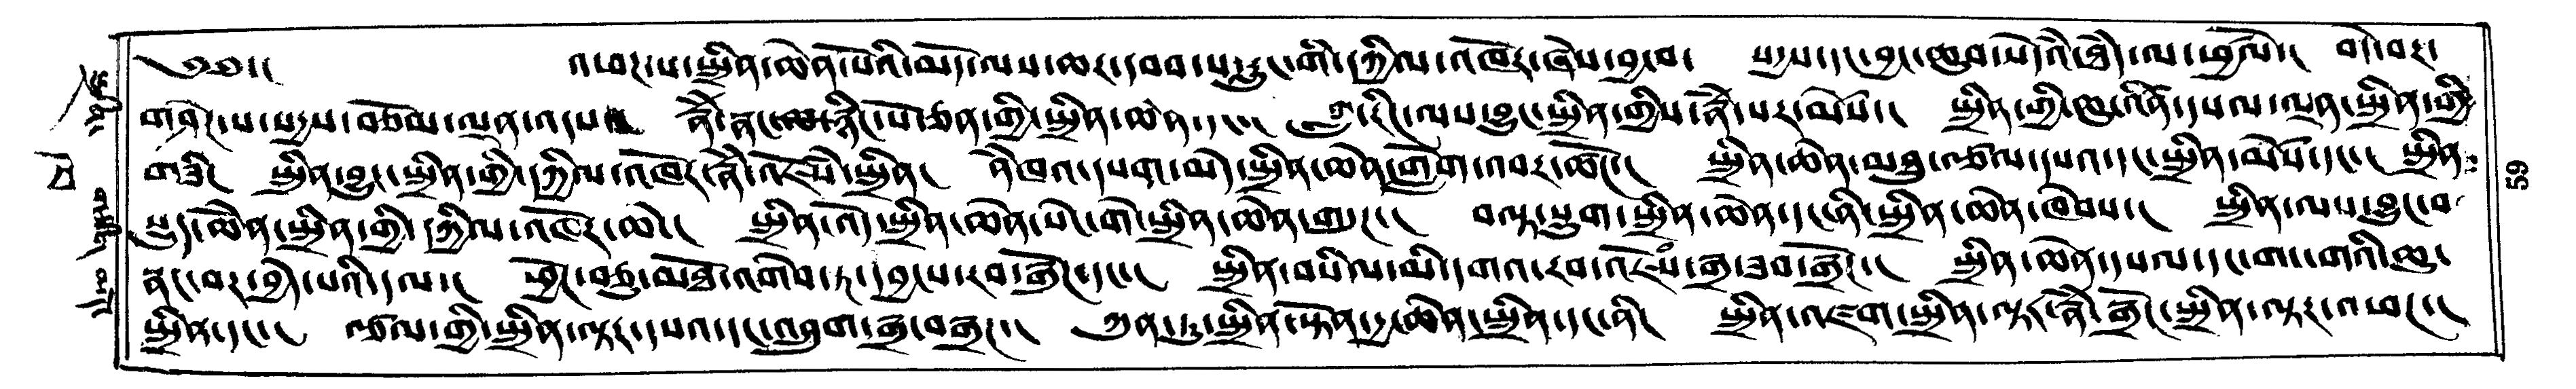འཕགས་པ་སྤྲིན་ཆེན་པོའི་མདོ་ལས་ཆར་དབབ་པ་རླུང་གི་དཀྱིལ་འཁོར་ཞེས་བྱ་བ། སངས་རྒྱས་དང་བྱང་ཆུབ་སེམས་དཔའ་ཐམས་ཅད་ལ་ཕྱག་འཚལ་ལོ།། བདེ་བར་
གཤེགས་པ་སངས་རྒྱས་བཅོམ་ལྡན་འདས། །རྣམ་སྣང་སྙིང་པོ་ཅན་གྱི་སྤྲིན་ཆེན་དང་། །ཀླུ་རིགས་ལས་བྱུང་སྤྲིན་གྱིས་རྣམ་པར་མཛེས། །སྤྲིན་གྱི་ཆུ་འཛིན་དཔལ་ལྡན་སྤྲིན་གྱི་
གཟེ། །སྤྲིན་བྱུང་སྤྲིན་གྱི་དཀྱིལ་འཁོར་རྣམ་འཇོམས་སྤྲིན། །ནམ་མཁའ་དཔག་མེད་སྤྲིན་ཆེན་གློག་འབར་ཚོགས། །སྤྲིན་ཆེན་མཐུ་རྩལ་དཔའ་དང་སྤྲིན་མཛེས་དང་། །སྤྲིན་
སྡུད་ཆེན་པོ་སྤྲིན་གྱི་དཀྱིལ་འཁོར་ཆེ། །སྤྲིན་འོད་སྤྲིན་ཆེན་སེང་གེ་སྤྲིན་ཆེན་གདུགས། །བལྟ་སྡུག་སྤྲིན་ཆེན་དང་ནི་སྤྲིན་ཆེན་ཁེབས། །སྤྲིན་ལས་བྱུང་བ་
སྣང་བར་བྱེད་པའི་དལ། །ཕྱོགས་བཅུ་མཐོ་འགེབས་རྔ་དབྱངས་རབ་སྒྲོགས་དང་། །སྤྲིན་བསིལ་མི་དགའ་རབ་འཇོམས་སྒྲ་ཟབ་སྒྲོགས། །སྤྲིན་ཆེན་དཔལ་དང་གང་གའི་ཆུ་
སྤྲིན་དང་། །རྩལ་གྱི་སྤྲིན་ལྟར་དཔའ་དང་འབྲུག་སྒྲ་བསྒྲགས། །ཀུན་ཏུ་སྤྲིན་སྟོན་རྒྱ་ཆེན་སྤྲིན་དང་ནི། །སྤྲིན་འཛག་སྤྲིན་ལྟར་རྣམ་སྒྲོགས་སྤྲིན་ལྟར་འཕགས།